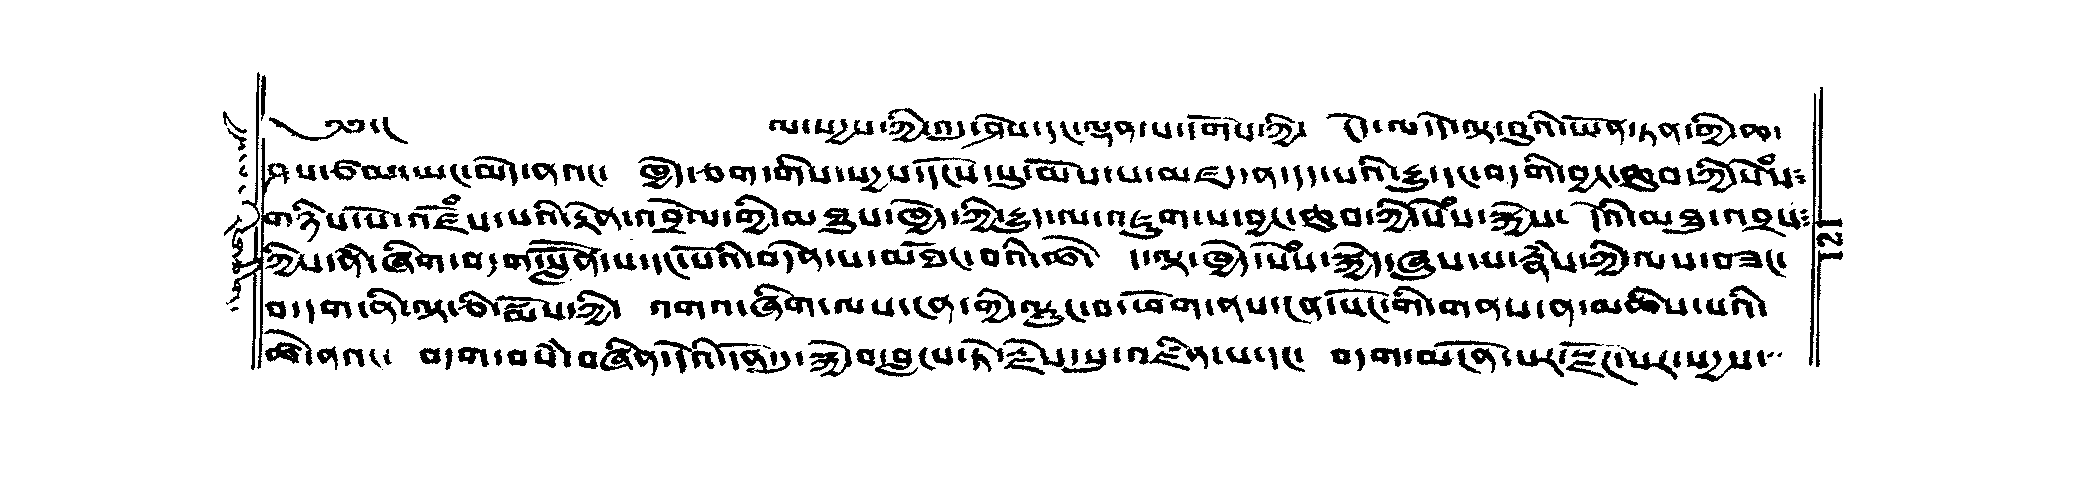ལ་སངས་རྒྱས་ཀྱི་འདུ་ཤེས་དང་ལྡན་པ་དགོས་ཀྱི། ངེད་ལ་དེ་ལྟ་བུའི་ཡོན་ཏན་གྱི་ཆ་
ཤས་ཙམ་ཡང་མེད་ནའང་། ཁྱེད་ཅག་གིས་སངས་རྒྱས་དངོས་སུ་མོས་པ་མཛད་ན་དད་པའི་རྒྱུ་དང་བདག་གི་བྱང་ཆུབ་ཀྱི་སེམས་
གཉིས་པོ་འཛོམས་པའི་རྟེན་འབྲེལ་གྱི་མཐུས་ཁྱེད་ཀྱི་རྒྱུད་ལ་འཇུག་པ་བྱང་ཆུབ་ཀྱི་སེམས་སྐྱེས། དེའི་མཐུ་འབྲས་
ཀྱི་ནམ་ཞིག་བདག་སློབ་དཔོན་པ་དང་པོའི་བདེན་པ་མཐོང་བའི་ཚེ། ད་ལྟ་ཁྱེད་སེམས་སྐྱེད་ཞུགས་པ་རྣམས་ཀྱི་ལས་བཟང་
བ་དག་ནི་ལྟ་ཅི་སྨོས་ཀྱི། འགའ་ཞིག་ལས་ངན་གྱི་ལྟུང་བ་ཕོག་ནས་ངན་སོང་གི་གནས་ན་མཆིས་པའི་
ཚེ་ནའང་། བདག་བསམ་བཞིན་དེའི་དོན་དུ་སྐྱེ་བ་བླངས་ཏེ་རྗེས་སུ་འཛིན་པ་དང་། བདག་མངོན་པར་རྫོགས་པར་སངས་རྒྱས་